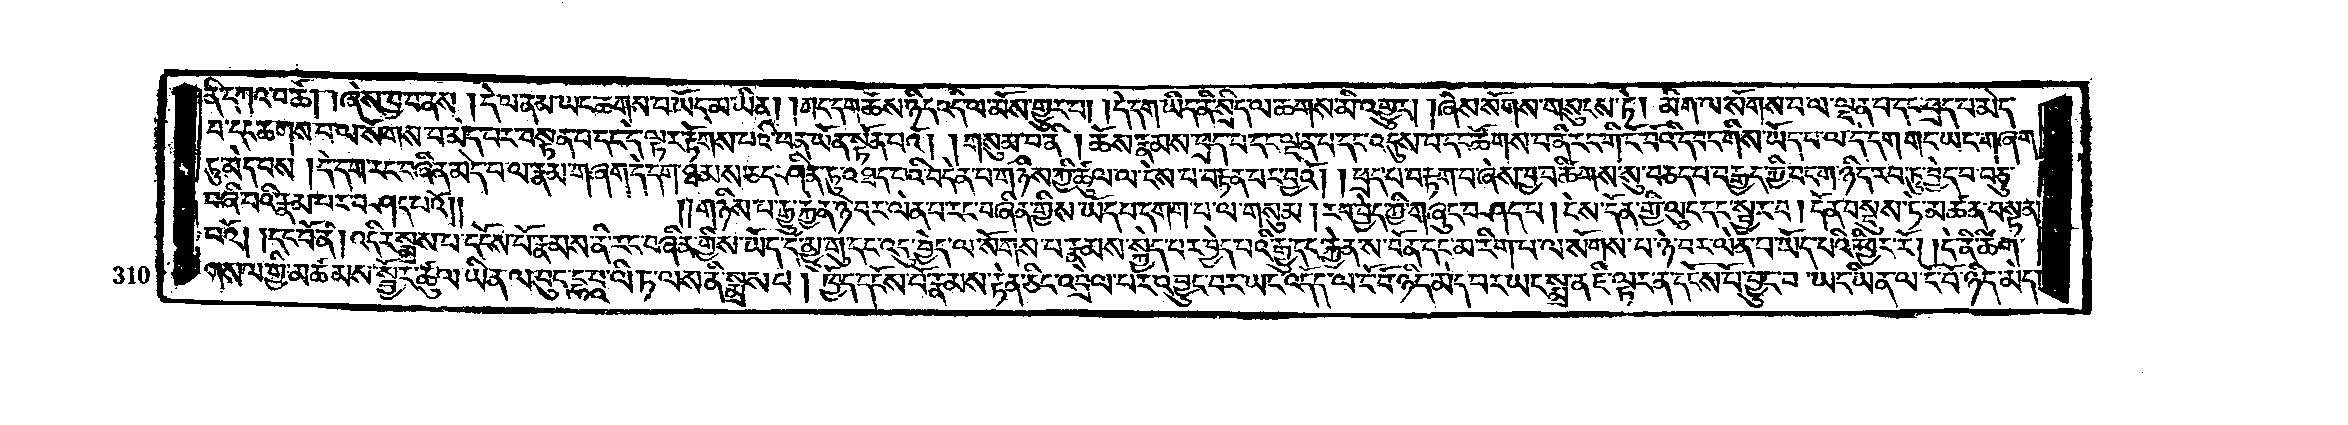ནི་དཀའ་བ་ཆེ། །ཞེས་བྱ་བ་ནས། དེ་ལ་ནམ་ཡང་ཆགས་པ་ཡོད་མ་ཡིན། །གང་དག་ཆོས་ཉིད་འདི་ལ་མོས་གྱུར་པ། །དེ་དག་ཡིད་ནི་སྲིད་ལ་ཆགས་མི་འགྱུར། །ཞེས་སོགས་གསུངས་ཏེ། མིག་ལ་སོགས་པ་ལ་ལྡན་པ་དང་ཕྲད་པ་མེད་
པ་དང་ཆགས་པ་ལ་སོགས་པ་མེད་པར་བསྟན་པ་དང་དེ་ལྟར་རྟོགས་པའི་ཕན་ཡོན་སྟོན་པའོ། །གསུམ་པ་ནི། ཆོས་རྣམས་ཕྲད་པ་དང་ལྡན་པ་དང་འདུས་པ་དང་ཚོགས་པ་ནི་རང་གི་ངོ་བོའི་དབང་གིས་ཡོད་པ་ལ་དེ་དག་གང་ཡང་གཞག་
ཏུ་མེད་པས། དེ་དག་རང་བཞིན་མེད་པ་ལ་རྣམ་གཞག་དེ་དག་ཐམས་ཅད་ཤིན་ཏུ་འཐད་པའི་བདེན་པ་གཉིས་ཀྱི་ཚུལ་ལ་ངེས་པ་བརྟན་པར་བྱའོ། །ཕྲད་པ་བརྟག་པ་ཞེས་བྱ་བ་ཚིགས་སུ་བཅད་པ་བརྒྱད་ཀྱི་བདག་ཉིད་རབ་ཏུ་བྱེད་པ་བཅུ་
བཞི་པའི་རྣམ་པར་བཤད་པའོ།། །།གཉིས་པ་རྒྱུ་རྐྱེན་ཉེ་བར་ལེན་པ་རང་བཞིན་གྱིས་ཡོད་པ་དགག་པ་ལ་གསུམ། རབ་བྱེད་ཀྱི་གཞུང་བཤད་པ། ངེས་དོན་གྱི་ལུང་དང་སྦྱར་བ། དོན་བསྡུས་ཏེ་མཚན་བསྟན་
པའོ། །དང་པོ་ནི། འདིར་སྨྲས་པ་དངོས་པོ་རྣམས་ནི་རང་བཞིན་གྱིས་ཡོད་དེ་མྱུ་གུ་དང་འདུ་བྱེད་ལ་སོགས་པ་རྣམས་སྐྱེད་པར་བྱེད་པའི་རྒྱུ་དང་རྐྱེན་ས་བོན་དང་མ་རིག་པ་ལ་སོགས་པ་ཉེ་བར་ལེན་པ་ཡོད་པའི་ཕྱིར་རོ། །དེ་ནི་ཚིག་
གསལ་གྱི་མཚམས་སྦྱོར་ཚུལ་ཡིན་ལ་བུད་དྷ་པཱ་ལི་ཏ་ལས་ནི་སྨྲས་པ། ཁྱོད་དངོས་པོ་རྣམས་རྟེན་ཅིང་འབྲེལ་པར་འབྱུང་བར་ཡང་འདོད་ལ་ངོ་བོ་ཉིད་མེད་པར་ཡང་སྨྲ་ན་ཇི་ལྟར་ན་དངོས་པོ་བྱུང་བ་ཡང་ཡིན་ལ་ངོ་བོ་ཉིད་མེད་